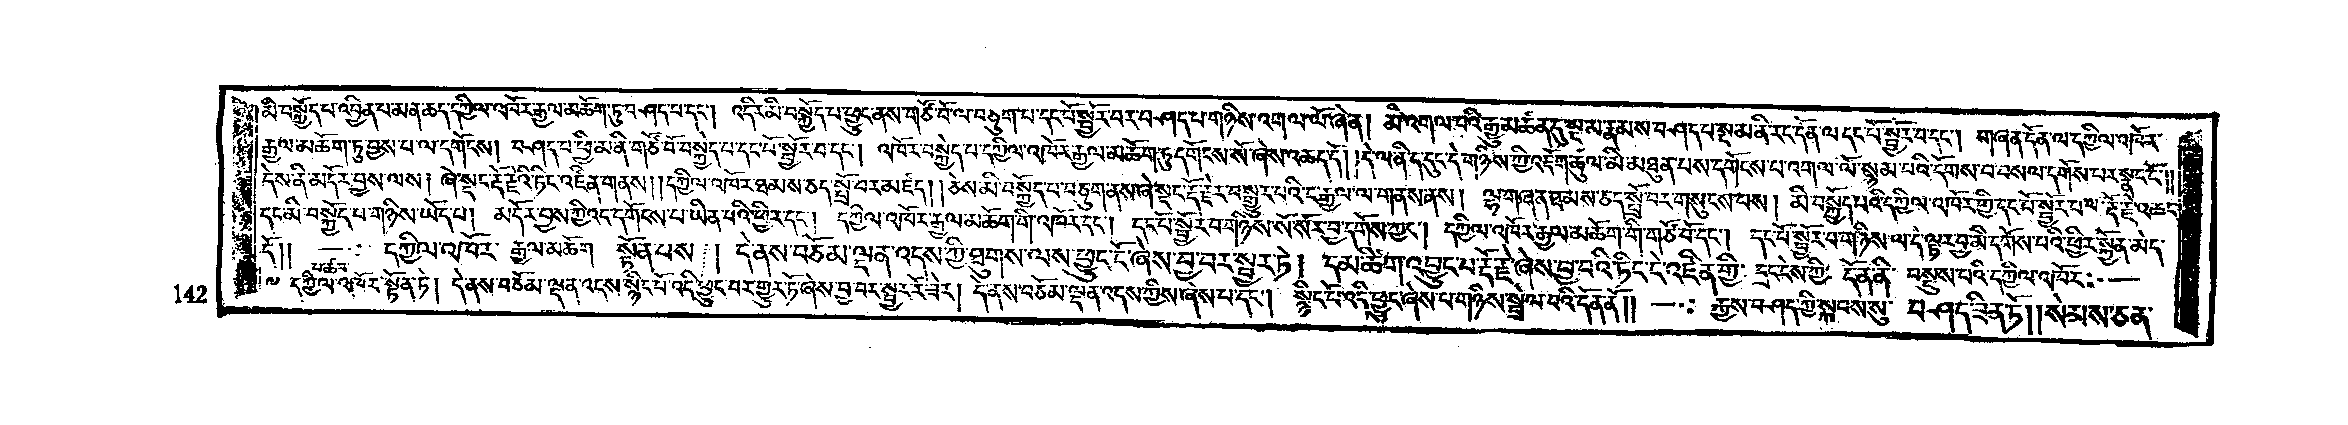མི་བསྐྱོད་པ་འབྱིན་པ་མན་ཆད་དཀྱིལ་འཁོར་རྒྱལ་མཆོག་ཏུ་བཤད་པ་དང་། འདིར་མི་བསྐྱོད་པ་ཕྱུང་ནས་གཙོ་བོ་ལ་བཅུག་པ་དང་པོ་སྦྱོར་བར་བཤད་པ་གཉིས་འགལ་ལོ་ཞེ་ན། མི་འགལ་བའི་རྒྱུ་མཚན་དུ་སྔ་མ་རྣམས་བཤད་པ་སྔ་མ་ནི་རང་དོན་ལ་དང་པོ་སྦྱོར་བ་དང་། གཞན་དོན་ལ་དཀྱིལ་འཁོར་
རྒྱལ་མཆོག་ཏུ་བྱས་པ་ལ་དགོངས། བཤད་པ་ཕྱི་མ་ནི་གཙོ་བོ་བསྐྱེད་པ་དང་པོ་སྦྱོར་བ་དང་། འཁོར་བསྐྱེད་པ་དཀྱིལ་འཁོར་རྒྱལ་མཆོག་ཏུ་དགོངས་སོ་ཞེས་འཆད་དོ། །དེ་ལ་ནི་ད་དུང་དེ་གཉིས་ཀྱི་འཇོག་ཚུལ་མི་མཐུན་པས་དགོངས་པ་འགལ་ལོ་སྙམ་པའི་དོགས་པ་གསལ་དགོས་པར་སྣང་ངོ།།
དེས་ནི་མདོར་བྱས་ལས། ཞེ་སྡང་རྡོ་རྗེའི་ཏིང་འཛིན་གནས། །དཀྱིལ་འཁོར་ཐམས་ཅད་སྤྲོ་བར་མཛད། །ཅེས་མི་བསྐྱོད་པ་བཅུག་ནས་ཞེ་སྡང་རྡོ་རྗེར་བསྒྱུར་པའི་ང་རྒྱལ་ལ་གནས་ནས། ལྷ་གཞན་ཐམས་ཅད་སྤྲོ་བར་གསུངས་པས། མི་བསྐྱོད་པའི་དཀྱིལ་འཁོར་གྱི་དང་པོ་སྦྱོར་བ་ལ་རྡོ་རྗེ་འཚང་
དང་མི་བསྐྱོད་པ་གཉིས་ཡོད་པ། མདོར་བྱས་ཀྱིའང་དགོངས་པ་ཡིན་པའི་ཕྱིར་དང་། དཀྱིལ་འཁོར་རྒྱལ་མཆོག་གི་འཁོར་དང་། དང་པོ་སྦྱོར་བ་གཉིས་སོ་སོར་བྱ་དགོས་ཀྱང་། དཀྱིལ་འཁོར་རྒྱལ་མཆོག་གི་གཙོ་བོ་དང་། དང་པོ་སྦྱོར་བ་གཉིས་ལ་དེ་ལྟར་བྱ་མི་དགོས་པའི་ཕྱིར་སྐྱོན་མེད་
དོ།། དཀྱིལ་འཁོར་རྒྱལ་མཆོག་སྟོན་པ། དེ་ནས་བཅོམ་ལྡན་འདས་ཀྱི་ཐུགས་ལས་ཕྱུང་ངོ་ཞེས་བྱ་བར་སྦྱར་ཏེ། དམ་ཚིག་འབྱུང་བ་རྡོ་རྗེ་ཞེས་བྱ་བའི་ཏིང་ངེ་འཛིན་གྱི་དྲང་ངེས་ཀྱི་དོན་ནི་བསྡུས་པའི་དཀྱིལ་འཁོར་
དཀྱིལ་འཁོར་སྟེན་ཏེ། དེ་ནས་བཅོམ་ལྡན་འདས་སྙིང་པོ་འདི་ཕཡཇང་བར་གྱུར་ཏོ་ཞེས་བྱ་བར་སྦྱར་རོ་ཞེར། དེ་ནས་བཅོམ་ལྡན་འདས་ཀྱིས་ཞེས་པ་དང་། སྙིང་པོ་འདི་ཕྱུང་ཞེས་པ་གཉིས་སྦྲེལ་བའི་དོན་ནོ།། རྒྱས་བཤད་ཀྱི་སྐབས་སུ་བཤད་ཟིན་ཏོ། །སེམས་ཅན་